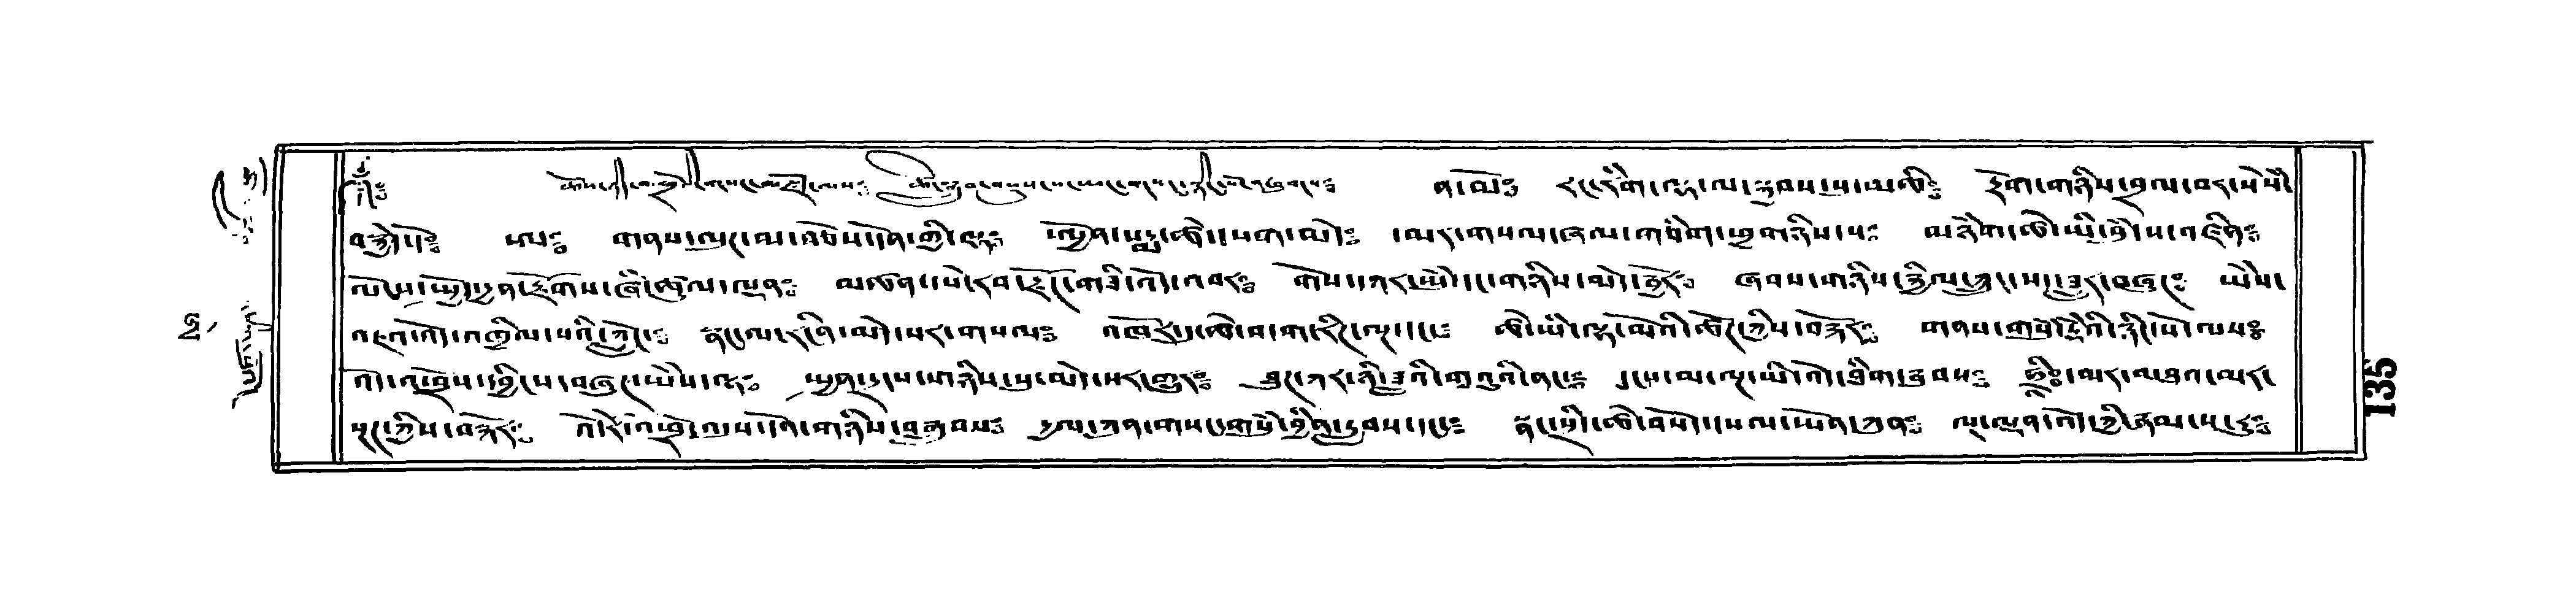ཆོས་ཉིད་མཁའ་འགྲོའི་གསང་མཛོད་ལས༔ ཚེ་སྒྲུབ་བསྡུས་པ་ཡང་གསང་སྙིང་པོ་བཞུགས༔ ན་མོ༔ རང་རིག་ལྷ་ལ་སྐྱབས་སུ་མཆི༔ རྟོག་གཉིས་བྲལ་བར་སེམས་
བསྐྱེད་དོ༔ ཨཱཿ གནས་ལུགས་མ་བཅོས་དོན་གྱི་ལྷ༔ ཨོ་རྒྱན་པདྨ་ཚེ་དཔག་མེད༔ དམར་གསལ་ཞལ་གཅིག་ཕྱག་གཉིས་པ༔ མཉམ་གཞག་ཚེ་ཡི་བུམ་པ་འཛིན༔ 
ལོངས་སྤྱོད་རྒྱན་རྫོགས་ཞི་ཚུལ་ལྡན༔ མཚན་དཔེ་རབ་རྫོགས་གཟི་འོད་འབར༔ གོས་དཀར་ཡུམ་དང་གཉིས་མེད་སྦྱོར༔ ཞབས་གཉིས་སྐྱིལ་ཀྲུང་པད་ཟླར་བཞུགས༔ ཡེ་ཤེས་
འཇའ་འོད་འཁྱིལ་པའི་ཀློང༔ སྣང་ལ་རང་བཞིན་མེད་པར་གསལ༔ འཁོར་དུ་ཚེ་བདག་རིགས་ལྔ་དང༔ ཚེ་ཡི་ལྷ་མོའི་ཚོགས་ཀྱིས་བསྐོར༔ གནས་གསུམ་རྡོ་རྗེའི་སྙིང་པོ་ལས༔ 
འོད་འཕྲོས་དབྱིངས་བཞུགས་ཡེ་ཤེས་ལྷ༔ སྤྱན་དྲངས་གཉིས་སུ་མེད་པར་གྱུར༔ ཐུགས་ཀར་ཉི་ཟླའི་གའུའི་ནང༔ དྭངས་མ་ལྔ་ཡི་འོད་ཐིག་སྦུབས༔ ཧྲཱིཿདམར་མཐའ་མར་
སྔགས་ཀྱིས་བསྐོར༔ འོད་ཟེར་འཕྲོ་འདུས་དོན་གཉིས་བསྒྲུབས༔ རྒྱལ་ཀུན་གསང་གསུམ་བྱིན་རླབས་དང༔ སྣང་སྲིད་ཚེ་བསོད་དཔལ་ཡོན་ཀུན༔ ལྔ་ལྡན་འོད་ཀྱི་རྣམ་པ་རུ༔